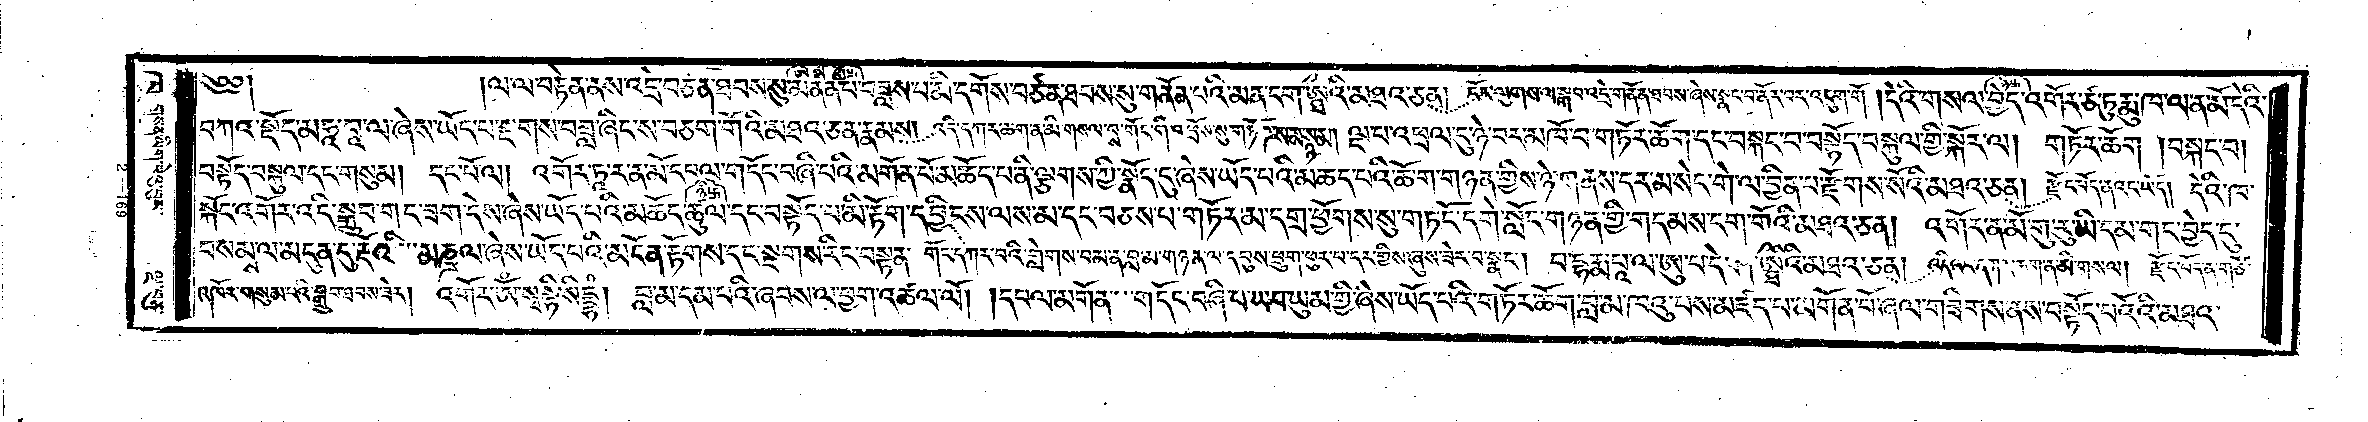༄༅། །ལ་ལ་བརྟེན་ནས་འདྲི་བ་ཅན་ཐབས་སུ་མནན་པ་བཟླས་པ་མི་དགོས་བཙན་ཐབས་སུ་གནོན་པའི་མན་ངག་ཨིཐིའི་མཐའ་ཅན། ངོར་ལུགས་ལ་སྐབ་འདྲེ་གནོན་ཐབས་ཞེས་སྣང་བ་ནོར་བར་འདུག་གོ་།དེའི་གསལ་བྱེད་འགོར་ཙ་ཏུ་རྨུ་ཁ་ལ་ན་མོ་དེའི་
བཀའ་སྡོད་མཧཱ་བཱ་ལ་ཞེས་ཡོད་པ་སྔགས་བཟླ་ཞིང་ས་བཅག་གོའི་མཐའ་ཅན་རྣམས། འདི་དཀར་ཆག་ན་མི་གསལ་བས་གོང་གི་འཕྲོས་སུ་གཏོཌ་སམ་སྙམ།  ལྔ་པ་འཕྲལ་དུ་ཉེ་བར་མཁོ་བ་གཏོར་ཆོག་དང་བསྐང་བ་བསྟོད་བསྐུལ་གྱི་སྐོར་ལ། གཏོར་ཆོག །བསྐང་བ།
བསྟོད་བསྐུལ་དང་གསུམ། དང་པོ་ལ། འགོར་ཏཱ་ར་ན་མོ་དཔལ་གདོང་བཞི་པའི་མགོན་པོ་མཆོད་པ་ནི་ལྕགས་ཀྱི་སྣོད་དུ་ཞེས་ཡོད་པའི་མཆད་པའི་ཆོ་ག་གཉན་གྱིས་ཉེ་གནས་དར་མ་སེང་གེ་ལ་བྱིན་པ་རྫོགས་སོའི་མཐའ་ཅན། རྫོང་པོད་ནའང་ཡོད།  དེའི་ཁ་
སྐོང་འགོར་འདི་སྒྲུབ་གང་ཟག་དེས་ཞེས་ཡོད་པའི་མཆོད་ཚུལ་དང་བསྟོད་པ་མི་རྟོག་གོང་དཀར་བའི་གླེགས་བམ་ན་བླ་མ་གཉན་ལ་དབུས་ཕྲུག་ཕུར་པ་དར་གྱིས་ཞུས་ཟེར་བ་སྣང་།  དབྱིངས་ལས་མ་དང་བཅས་པ་གཏོར་མ་དགྲ་ཕྱོགས་སུ་གཏོང་དགེ་སློང་གཉན་གྱི་གདམས་ངག་གོའི་མཐའ་ཅན། འགོར་ན་མོ་གུ་རུ་ཡི་དམ་གང་བྱེད་དུ་
བསམས་ལ་མདུན་དུ་རྡོའི་མཎྜལ་ཞེས་ཡོད་པའི་མངོན་རྟོགས་དང་སྔགས་རིང་བསྟན་པདྷ་རྨ་པཱ་ལ་ཨུ་པ་དེ་ཤ་ཨིཐིའི་མཐའ་ཅན། འདིའང་དཀར་ཆག་ན་མི་གསལ། རྫོང་པོད་ན་གཙོ་
འཁོར་གསུམ་པའི་སྒྲུབ་ཐབས་ཟེར། འགོར་ཨོཾ་སྭ་སྟི་སིདྡྷཾ། བླ་མ་དམ་པའི་ཞབས་ལ་ཕྱག་འཚལ་ལོ། །དཔལ་མགོན་གདོང་བཞི་པ་ཡབ་ཡུམ་གྱི་ཞེས་ཡོད་པའི་གཏོར་ཆོག་བླ་མ་ཁའུ་པས་མཛད་པ་མགོན་པོ་ཞལ་གཟིགས་ནས་བསྟོད་པའོའི་མཐའ་